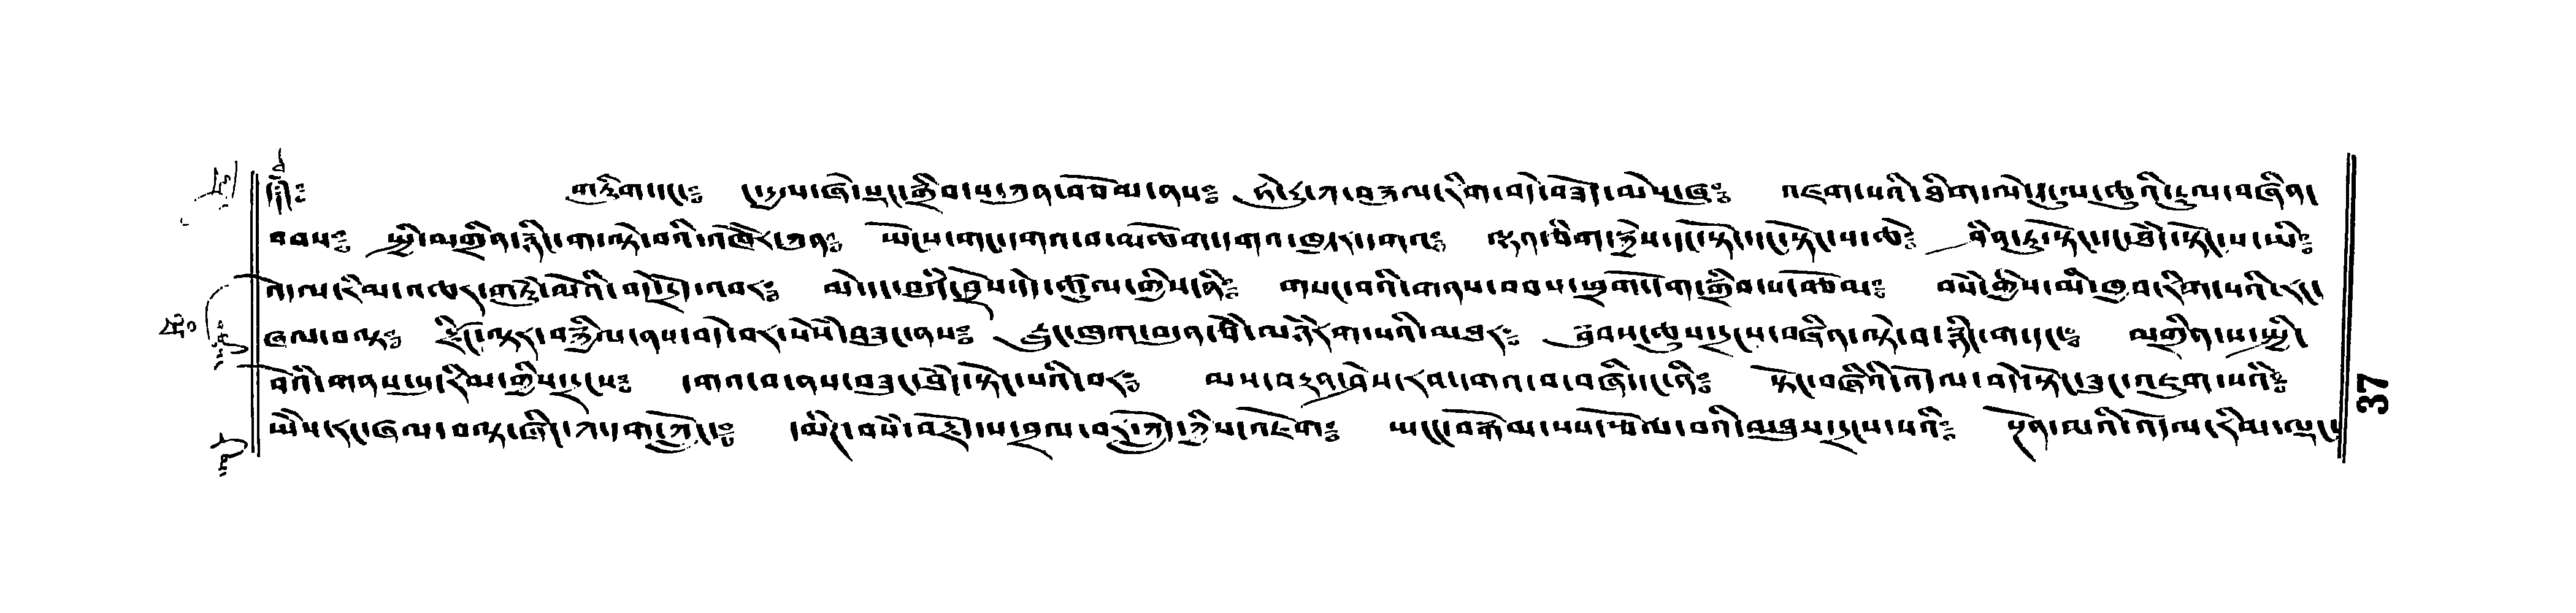གཏི་མུག་དང༔ ང་རྒྱལ་ཞེ་སྡང་སྒྲིབ་པ་ཀུན་བཅོམ་ནས༔ ཧེ་རུ་ཀ་བསྐུལ་རིག་བདེ་བཟོད་མེས་ཞུ༔ འཛག་པའི་ཐིག་ལེ་དངུལ་ཆུའི་རྡུལ་བཞིན་
བབས༔ སྤྱི་མགྲིན་སྙིང་ག་ལྟེ་བའི་འཁོར་ལོ་ཀུན༔ ཡོངས་གང་དགའ་བ་མཆོག་དགའ་ཁྱད་པར་དགའ༔ ལྷན་ཅིག་སྐྱེས་དང་སྟོང་དང་སྟོང་པ་ཆེ༔ ཤིན་ཏུ་སྟོང་དང་ཐམས་ཅད་སྟོང་པ་ཡི༔ 
འོད་གསལ་རིམ་འཆར་གཏུམ་མོའི་བདེ་དྲོད་འབར༔ མེ་དང་བདུད་རྩི་བྲོས་དཻད་ཚུལ་གྱིས་ནི༔ གསང་བའི་གནས་བབས་ཕྲག་དོག་སྒྲིབ་པ་བཅོམ༔ བསམ་གྱིས་མི་ཁྱབ་རིག་པའི་རང་
ཞལ་བལྟ༔ རྫིང་ལྟར་བསྐྱིལ་ནས་བདེ་བར་སེམས་བཟུང་ནས༔ རླུང་ཁུག་བདུན་ཙམ་མཉམ་པར་བཞག་པའི་མཐར༔ སྦུབས་ཆུས་དྲངས་བཞིན་ལྟེ་བ་སྙིང་ག་དང༔ མགྲིན་པ་སྤྱི་
བོའི་གནས་སུ་རིམ་གྱིས་དྲངས༔ དགའ་བ་ནས་བཟུང་ཐམས་ཅད་སྟོང་པའི་བར༔ མས་བརྟན་ཤེས་རབ་དགའ་བ་ཞི་དང་ནི༔ སྟོང་བཞིའི་འོད་གསལ་བདེ་སྟོང་ཟུང་འཇུག་པའི༔ 
ཡེ་ཤེས་རང་ཞལ་བལྟ་ཞིང་ཀ་དག་ཀློང༔ དམིགས་བསམ་བརྗོད་པ་བྲལ་བར་ལྷོད་ཀྱིས་འཇོག༔ ཡང་ཡང་སྒོམ་པས་རྩོལ་བའི་མཐུས་དྲངས་པའི༔ སྔོན་མའི་འོད་གསལ་རིམ་ལྡང་